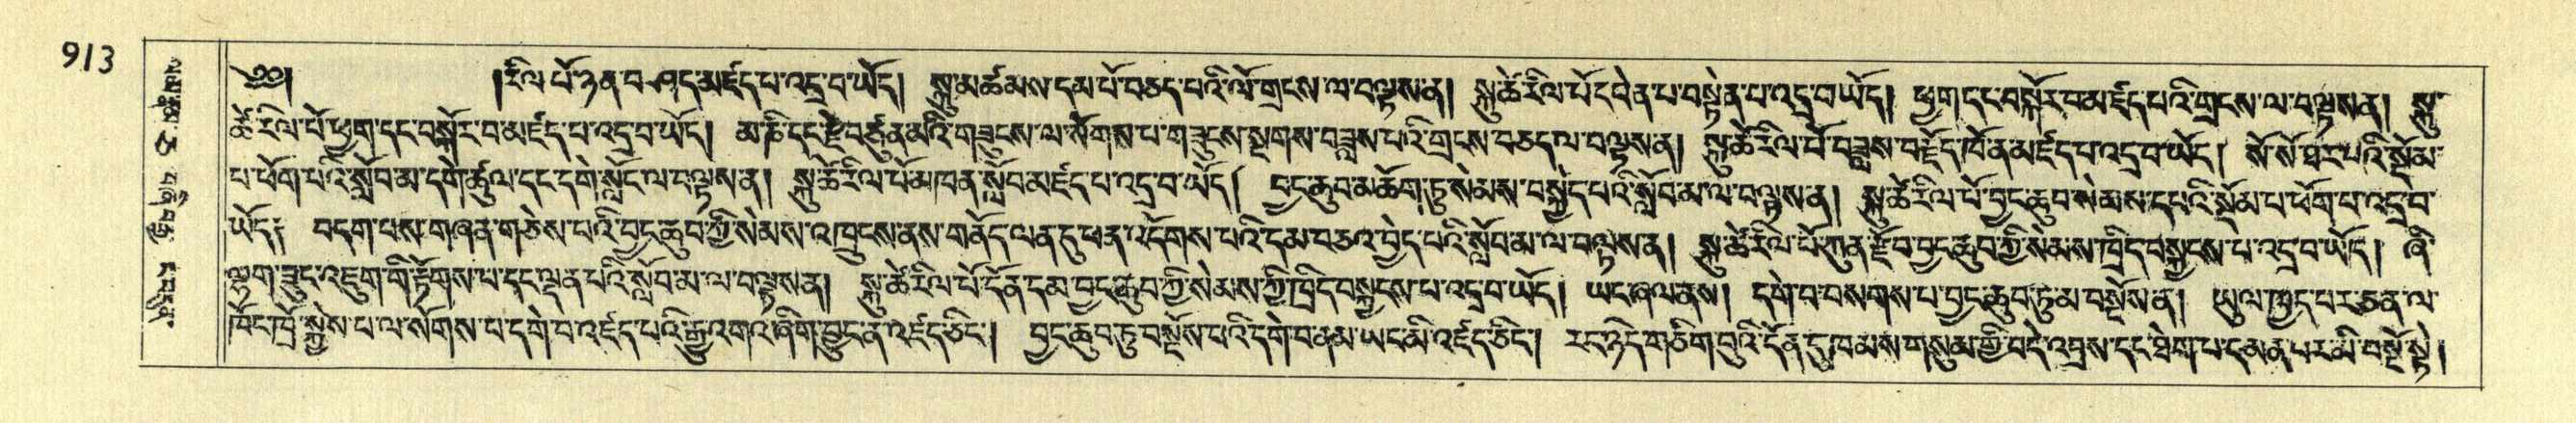༄༅། །རིལ་པོ་ཉན་བཤད་མཛད་པ་འདྲ་བ་ཡོད། སྐུ་མཚམས་དམ་པོ་བཅད་པའི་ལོ་གྲངས་ལ་བལྟས་ན། སྐུ་ཚེ་རིལ་པོ་དབེན་པ་བསྟེན་པ་འདྲ་བ་ཡོད། ཕྱག་དང་བསྐོར་བ་མཛད་པའི་གྲངས་ལ་བལྟས་ན། སྐུ་
ཚེ་རིལ་པོ་ཕྱག་དང་བསྐོར་བ་མཛད་པ་འདྲ་བ་ཡོད། མ་ཎི་དང་རྗེ་བཙུན་མའི་གཟུངས་ལ་སོགས་པ་གཟུངས་སྔགས་བཟླས་པའི་གྲངས་བཅད་ལ་བལྟས་ན། སྐུ་ཚེ་རིལ་པོ་བཟླས་བརྗོད་ཁོ་ན་མཛད་པ་འདྲ་བ་ཡོད། སོ་སོ་ཐར་པའི་སྡོམ་
པ་ཕོག་པའི་སློབ་མ་དགེ་ཚུལ་དང་དགེ་སློང་ལ་བལྟས་ན། སྐུ་ཚེ་རིལ་པོ་མཁན་སློབ་མཛད་པ་འདྲ་བ་ཡོད། བྱང་ཆུབ་མཆོག་ཏུ་སེམས་བསྐྱེད་པའི་སློབ་མ་ལ་བལྟས་ན། སྐུ་ཚེ་རིལ་པོ་བྱང་ཆུབ་སེམས་དཔའི་སྡོམ་པ་ཕོག་པ་འདྲ་བ་
ཡོད༑ བདག་པས་གཞན་གཅེས་པའི་བྱང་ཆུབ་ཀྱི་སེམས་འཁྲུངས་ནས་གནོད་ལན་དུ་ཕན་འདོགས་པའི་དམ་བཅའ་བྱེད་པའི་སློབ་མ་ལ་བལྟས་ན། སྐུ་ཚེ་རིལ་པོ་ཀུན་རྫོབ་བྱང་ཆུབ་ཀྱི་སེམས་ཁྲིད་བསྐྱངས་པ་འདྲ་བ་ཡོད། ཞི་
ལྷག་ཟུང་འཇུག་གི་རྟོགས་པ་དང་ལྡན་པའི་སློབ་མ་ལ་བལྟས་ན། སྐུ་ཚེ་རིལ་པོ་དོན་དམ་བྱང་ཆུབ་ཀྱི་སེམས་ཀྱི་ཁྲིད་བསྐྱངས་པ་འདྲ་བ་ཡོད། ཡང་ཞལ་ནས། དགེ་བ་བསགས་པ་བྱང་ཆུབ་ཏུ་མ་བསྔོས་ན། ཡུལ་ཁྱད་པར་ཅན་ལ་
ཁོང་ཁྲོ་སྐྱེས་པ་ལ་སོགས་པ་དགེ་བ་འཛད་པའི་རྒྱུ་འགའ་ཞིག་བྱུང་ན་འཛད་ཅིང་། བྱང་ཆུབ་ཏུ་བསྔོས་པའི་དགེ་བ་ནམ་ཡང་མི་འཛད་ཅིང་། རང་ཉིད་གཅིག་བུའི་དོན་དུ་ཁམས་གསུམ་གྱི་བདེ་འབྲས་དང་ཐེག་པ་དམན་པར་མི་བསྔོ་སྟེ།